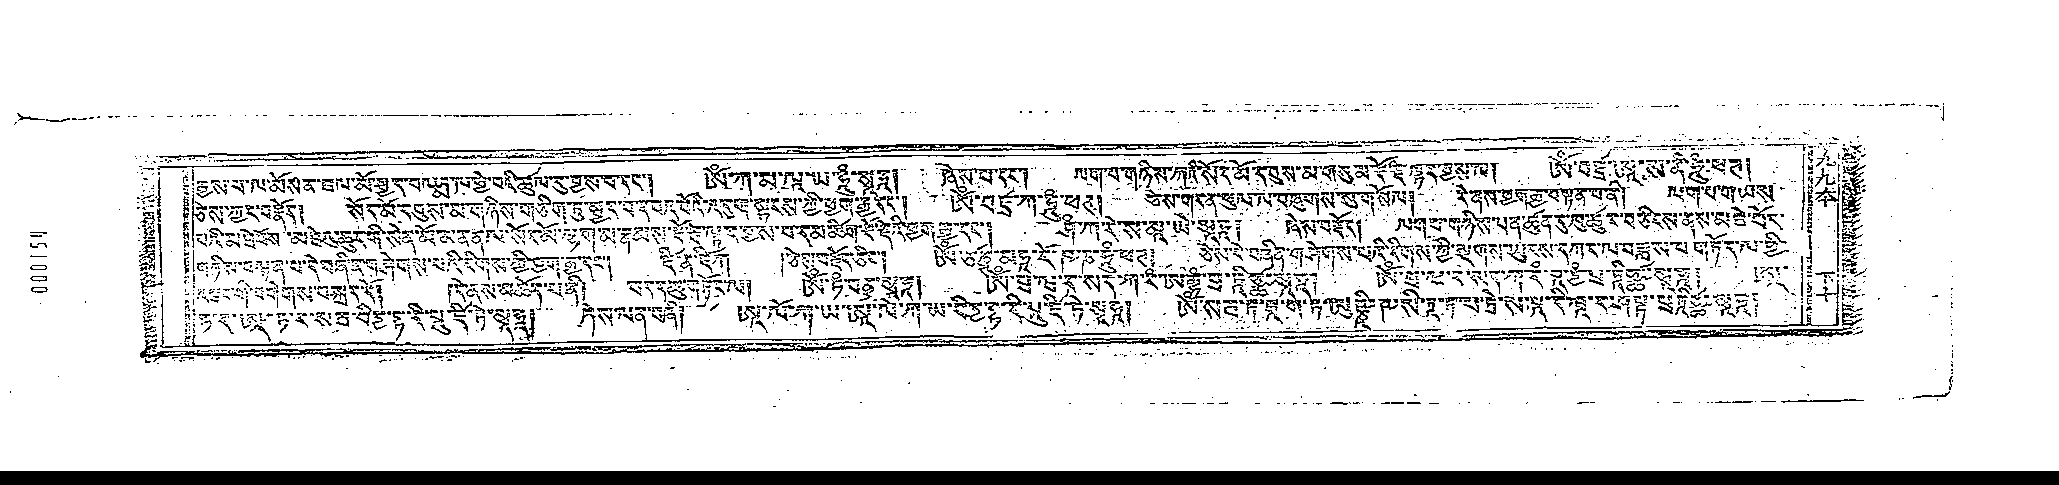རྒྱས་པ་ལ་མོས་ན་ཐལ་མོ་སྦྱར་བ་པདམ་ཁ་ཕྱེ་བའི་ཚུལ་དུ་བྱས་པ་དང་། ཨོཾ་ཀ་མ་ལཱ་ཡ་ཧཱུཾ་སྭཱཧཱ། ཞེས་པ་དང་། ལག་པ་གཉིས་ཀའི་སོར་མོ་དབུས་མ་གསུམ་རྡོ་རྗེ་ལྟར་བྱས་ལ། ཨོཾ་བཛྲ་ཨཱ་ས་ནི་ཧཱུཾ་ཕཊ།
ཅེས་ཀྱང་བརྗོད། སོར་མོ་དབུས་མ་གཉིས་གཅིག་ཏུ་སྦྱར་བ་དཔའ་བོའི་འདུག་སྟངས་ཀྱི་ཕྱག་རྒྱ་དང་། ཨོཾ་བཛྲ་ཀ་ཧཱུཾ་ཕཊ། ཅེས་གདན་ཕུལ་ལ་བཞུགས་སུ་གསོལ། དེ་ནས་ཕྱག་རྒྱ་བསྟན་པ་ནི། ལག་པ་གཡས་
པའི་མཐེ་བོས་མཐེའུ་ཆུང་གི་སེན་མོ་མནན་ལ་སོར་མོ་ལྷག་མ་རྣམས་རྡོ་རྗེ་ལྟར་བྱས་པ་དམ་ཚིག་རྡོ་རྗེ་ཕྱག་རྒྱ་དང་། ཤི་ཀ་རེ་ས་མཱ་ཡེ་སྭཱཧཱ། ཞེས་བརྗོད། ལག་པ་གཉིས་ཕན་ཚུན་དུ་ཁུ་ཚུར་བཅིངས་ནས་མཐེ་བོང་
གཉིས་བསྟན་པ་དེ་བཞིན་གཤེགས་པའི་རིགས་ཀྱི་ཕྱག་རྒྱ་དང་། ཛི་ན་ཛི་ཀ །ཅེས་བརྗོད་ཅིང་། ཨོཾ་ཙཎྚ་མཧཱ་རོ་ཥ་ཎ་ཧཱུཾ་ཕཊ། ཅེས་དེ་བཞིན་གཤེགས་པའི་རིགས་ཀྱི་སྔགས་ཡུངས་དཀྲར་ལ་བཟླས་པ་གཏོར་ལ་ཕྱི་
འབྲང་གི་བགེགས་བསྐྲང་ངོ། །དེ་ནས་མཆོད་པ་ནི། བསང་ཆུ་གཏོར་ལ། ཨོཾ་ཏྲི་བནྡྷ་སྭཱཧཱ། ཨོཾ་པྲ་ཝ་ར་སང་ཀ་རཾ་ཨརྒྷཾ་པྲ་ཏཱིཙྪ་སྭཱཧཱ། ཨོཾ་པྲ་ཝ་ར་སད་ཀ་རཾ་པཱ་དྱི་པྲ་ཏཱིཙྪ་སྭཱཧཱ། ཨཱ་
ཧ་ར་ཨཱ་ཧ་ར་སརྦ་བིདྱ་དྷ་རི་པཱུ་ཛི་ཏེ་སྭཱཧཱ། ཞེས་ལན་བཞི། ཨཱ་ལོ་ཀ་ཡ་ཨཱ་ལོ་ཀ་ཡ་བི་དྱ་དྷ་རི་པཱུ་ཛི་ཏེ་སྭཱཧཱ། ཨོཾ་སརྦ་ཏ་ཐཱ་ག་ཏ་ཨུ་ཥྞཱི་ཥ་སི་ཏཱ་ཏ་པ་ཏྲེ་ས་པཱ་རི་ཝཱ་ར་ཤཔྟ་པྲ་ཏཱིཙྪ་སྭཱཧཱ།